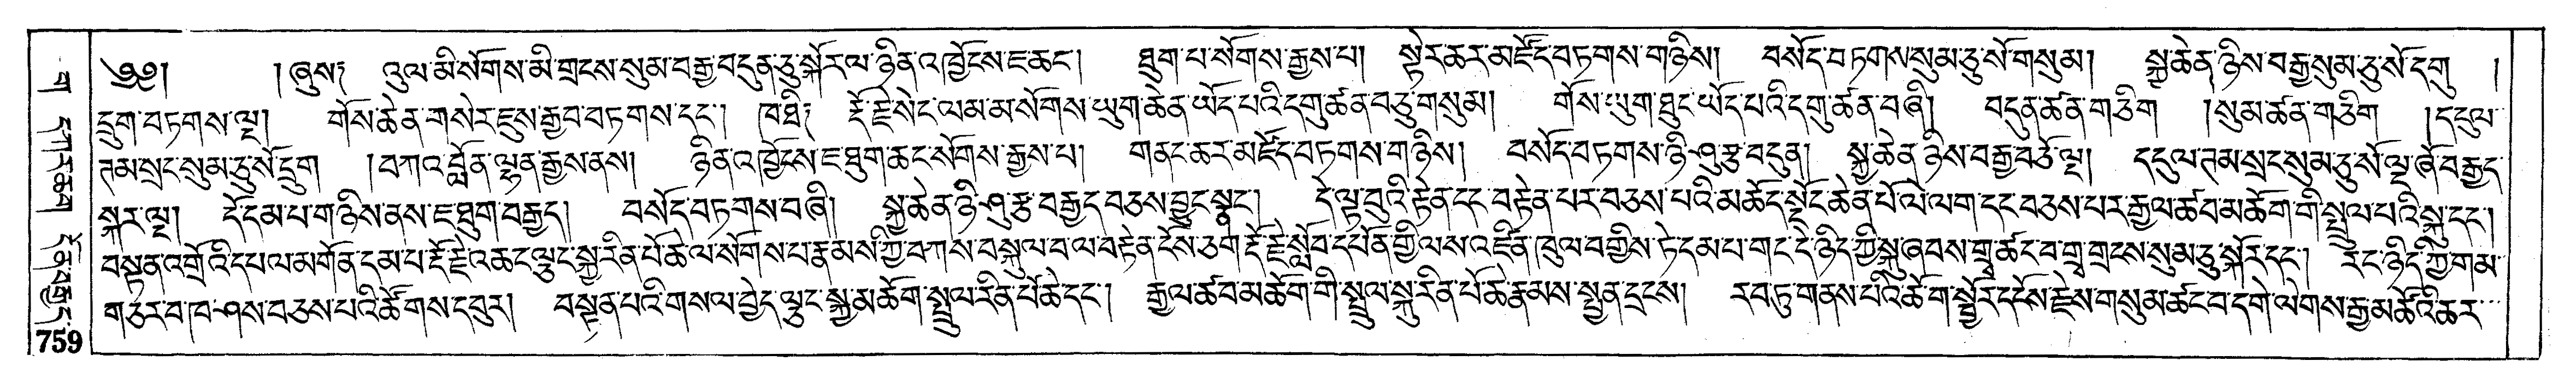༄༅། །ཞུས། འུལ་མི་སོགས་མི་གྲངས་སུམ་བརྒྱ་བདུན་ཅུ་སྐོར་ལ་ཉིན་འཁྱོངས་ཇ་ཆང་། ཐུག་པ་སོགས་རྒྱས་པ། སྟེར་ཆར་མཛོད་བཏགས་གཉིས། བསོད་བཏགས་སུམ་ཅུ་སོ་གསུམ། སྐྱ་ཆེན་ཉིས་བརྒྱ་སུམ་ཅུ་སོ་དགུ །
དྲུག་བཏགས་ལྔ། གོས་ཆེན་གསེར་ཇུས་རྒྱབ་བཏགས་དང་། ཁ་ཐི། རྡོ་རྗེ་སང་ལམ་མ་སོགས་ཡུག་ཆེན་ཡོད་པའི་དགུ་ཚན་བཅུ་གསུམ། གོས་ཡུག་ཐུད་ཡོད་པའི་དགུ་ཚན་བཞི། བདུན་ཚན་གཅིག །སུམ་ཚན་གཅིག །དངུལ་
ཊམ་སྲང་སུམ་ཅུ་སོ་དྲུག །བཀའ་བློན་ལྷན་རྒྱས་ནས། ཉིན་འཁྱོངས་ཇ་ཐུག་ཆང་སོགས་རྒྱས་པ། གནང་ཆར་མཛོད་བཏགས་གཉིས། བསོད་བཏགས་ཉི་ཤུ་རྩ་བདུན། སྐྱ་ཆེན་ཉིས་བརྒྱ་བཅོ་ལྔ། དངུལ་ཊམ་སྲང་སུམ་ཅུ་སོ་ལྔ་ཞོ་བརྒྱད་
སྐར་ལྔ། དོ་དམ་པ་གཉིས་ནས་ཇ་ཐུག་བརྒྱད། བསོད་བཏགས་བཞི། སྐྱ་ཆེན་ཉི་ཤུ་རྩ་བརྒྱད་བཅས་བྱང་སྣང་། དེ་ལྟ་བུའི་རྟེན་དང་བརྟེན་པར་བཅས་པའི་མཆོད་སྡོང་ཆེན་པོ་ལ་ལག་དང་བཅས་པར་རྒྱལ་ཚབ་མཆོག་གི་སྤྲུལ་པའི་སྐུ་དང་།
བསྟན་འགྲོའི་དཔལ་མགོན་དམ་པ་རྡོ་རྗེ་འཆང་ལྕང་སྐྱ་རིན་པོ་ཆེ་ལ་སོགས་པ་རྣམས་ཀྱི་བཀས་བསྐུལ་བ་ལ་བརྟེན་ངོས་ཅག་རྡོ་རྗེ་སློབ་དཔོན་གྱི་ལས་འཛིན་ཁུལ་བགྱིས་ཏེ་དམ་པ་གད་དེ་ཉིད་ཀྱི་སྐུ་ཞབས་གྲྭ་ཚང་པ་གྲྭ་གྲངས་སུམ་ཅུ་སྐོར་དང་། རང་ཉིད་ཀྱི་གམ་
གཅར་བ་ཁ་ཤས་བཅས་པའི་ཚོགས་དབུར། བསྟན་པའི་གསལ་བྱེད་ལྕང་སྐྱ་མཆོག་སྤྲུལ་རིན་པོ་ཆེ་དང་། རྒྱལ་ཚབ་མཆོག་གི་སྤྲུལ་སྐུ་རིན་པོ་ཆེ་རྣམས་སྤྱན་དྲངས། རབ་ཏུ་གནས་པའི་ཆོ་ག་སྦྱོར་དངོས་རྗེས་གསུམ་ཚང་བ་དགེ་ལེགས་རྒྱ་མཚོའི་ཆར་